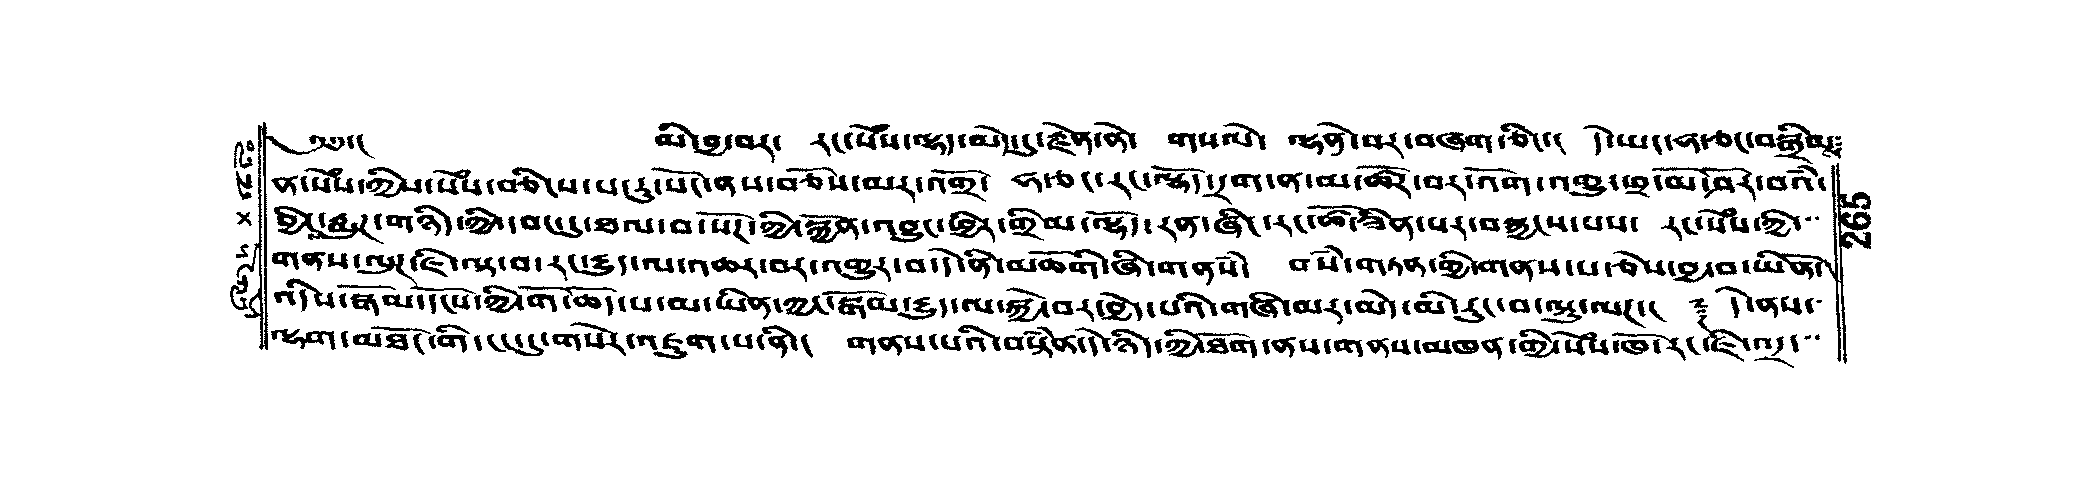མི་བྱ་བར། རང་སེམས་ལྷད་མེད་དུ་རྗེན་ནེ། གསལ་ལེ། ལྷན་ནེ་བར་བཞག་ཅིང་། དེ་ཡང་ཧ་ཅང་བསྒྲིམས་
ན་སེམས་ཀྱིས་སེམས་བཅིངས་པ་རུ་སོང་ནས་བཅོས་མར་འགྲོ། ཧ་ཅང་རང་ལྷོད་དྲག་ན་མ་ཚོར་བར་འོག་འགྱུ་ཕྲ་མོ་ཤོར་བའམ་
བྱིང་རྨུགས་གཉིད་ཀྱི་དབང་དུ་ཐལ་བ་སོགས་ཀྱི་སྐྱོན་འབྱུང་ཕྱིར་གྲིམ་ལྷོད་རན་ཞིང་རང་ཚོད་ཟིན་པར་བསྐྱངས་པས། རང་སེམས་ཀྱི་
གནས་ལུགས་ཇི་ལྟ་བ་རང་རྒྱུད་ལ་འཆར་བར་འགྱུར་བ་དེ་ནི་མཆོག་གི་ཞི་གནས་སམ། བསམ་གཏན་གྱི་གནས་པ་ཞེས་བྱ་བ་ཡིན་ནོ། 
འདིས་སྒོམ་དངོས་ཀྱི་གོ་ཆོད་པ་མ་ཡིན་ཀྱང་སྒོམ་རྒྱུད་ལ་སྐྱེ་བར་བྱེད་པའི་གཞི་མར་མེད་མི་རུང་བ་ལྟ་བུ་ལགས། ༈ དེ་ནས་
ལྷག་མཐོང་གི་ངང་དུ་གསོར་འཇུག་པ་ནི། གནས་པའི་བསམ་གཏན་དེ་ཉིད་ཀྱི་ཐོག་ནས་གནས་མཁན་གྱི་སེམས་ཁོ་རང་ཇི་འདྲ་